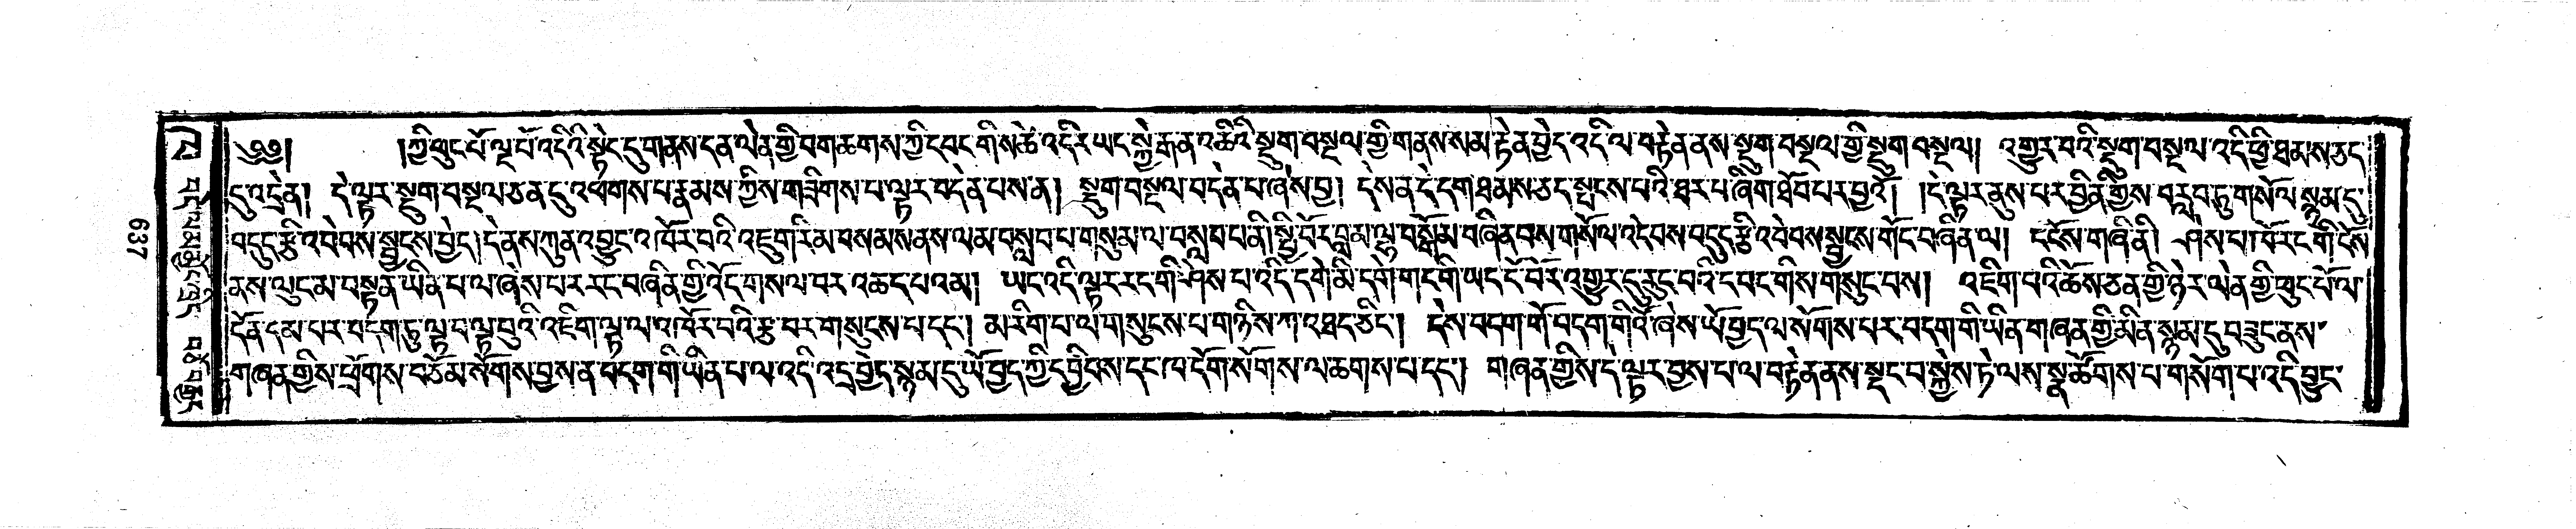༄༅། །ཀྱི་ཕུང་པོ་ལྔ་པོ་འདིའི་སྟེང་དུ་གནས་དན་ལེན་གྱི་བག་ཆགས་ཀྱི་དབང་གིས་ཚེ་འདིར་ཡང་སྐྱེ་རྒ་ན་འཆིའི་སྡུག་བསྔལ་གྱི་གནས་སམ་རྟེན་བྱེད་འདི་ལ་བརྟེན་ནས་སྡུག་བསྔལ་གྱི་སྡུག་བསྔལ། འགྱུར་བའི་སྡུག་བསྔལ་འདི་ཕྱི་ཐམས་ཅད་
དུ་འདྲེན། དེ་ལྟར་སྡུག་བསྔལ་ཅན་དུ་འཕགས་པ་རྣམས་ཀྱིས་གཟིགས་པ་ལྟར་བདེན་པས་ན། སྡུག་བསྔལ་བདེན་པ་ཞེས་བྱ། དེས་ན་དེ་དག་ཐམས་ཅད་སྤངས་པའི་ཐར་པ་ཞིག་ཐོབ་པར་བྱའོ། །དེ་ལྟར་ནུས་པར་བྱིན་གྱིས་བརླབ་ཏུ་གསོལ་སྙམ་དུ་
བདུད་རྩི་འབེབས་སྦྱངས་བྱེད། དེ་ནས་ཀུན་འབྱུང་འཁོར་བའི་འཇུག་རིམ་བསམས་ནས་ལམ་བསླབ་པ་གསུམ་ལ་བསླབ་པ་ནི། སྤྱི་བོར་བླ་མ་ལྷ་བསྒོམ་བཞིན་བས་གསོལ་འདེབས་བདུད་རྩི་འབེབས་སྦྱངས་གོང་བཞིན་ལ། དངོས་གཞི་ནི། ཤེས་པ་ཁོ་རང་གི་ངོས་
ནས་ལུང་མ་བསྟན་ཡིན་པ་ལ་ཞེས་པར་རང་བཞིན་གྱི་འོད་གསལ་བར་འཆད་པའམ། ཡང་འདི་ལྟར་རང་གི་ཤེས་པ་འདི་དགེ་མི་དགེ་གང་གི་ཡང་ངོ་བོར་འགྱུར་དུ་རུང་བའི་དབང་གིས་གསུང་བས། འཇིག་པའི་ཆོས་ཅན་གྱི་ཉེར་ལེན་གྱི་ཕུང་པོ་ལ་
དོན་དམ་པར་བདག་ཏུ་ལྟ་བ་ལྟ་བུའི་འཇིག་ལྟ་ལ་འཁོར་བའི་རྩ་བར་གསུངས་པ་དང་། མ་རིག་པ་ལ་གསུངས་པ་གཉིས་ཀ་འཐད་ཅིང་། དེས་བདག་གོ་བདག་གིའོ་ཞེས་ཡོ་བྱད་ལ་སོགས་པར་བདག་གི་ཡིན་གཞན་གྱི་མིན་སྙམ་དུ་བཟུང་ནས་
གཞན་གྱིས་ཕྲོགས་བཅོམ་སོགས་བྱས་ན་བདག་གི་ཡིན་པ་ལ་འདི་འདྲ་བྱེད་སྙམ་དུ་ཡོ་བྱད་ཀྱི་དབྱིབས་དང་ཁ་དོག་སོགས་ལ་ཆགས་པ་དང་། གཞན་གྱིས་དེ་ལྟར་བྱས་པ་ལ་བརྟེན་ནས་སྡང་བ་སྐྱེས་ཏེ་ལས་སྣ་ཚོགས་པ་གསོག་པ་འདི་བྱུང་